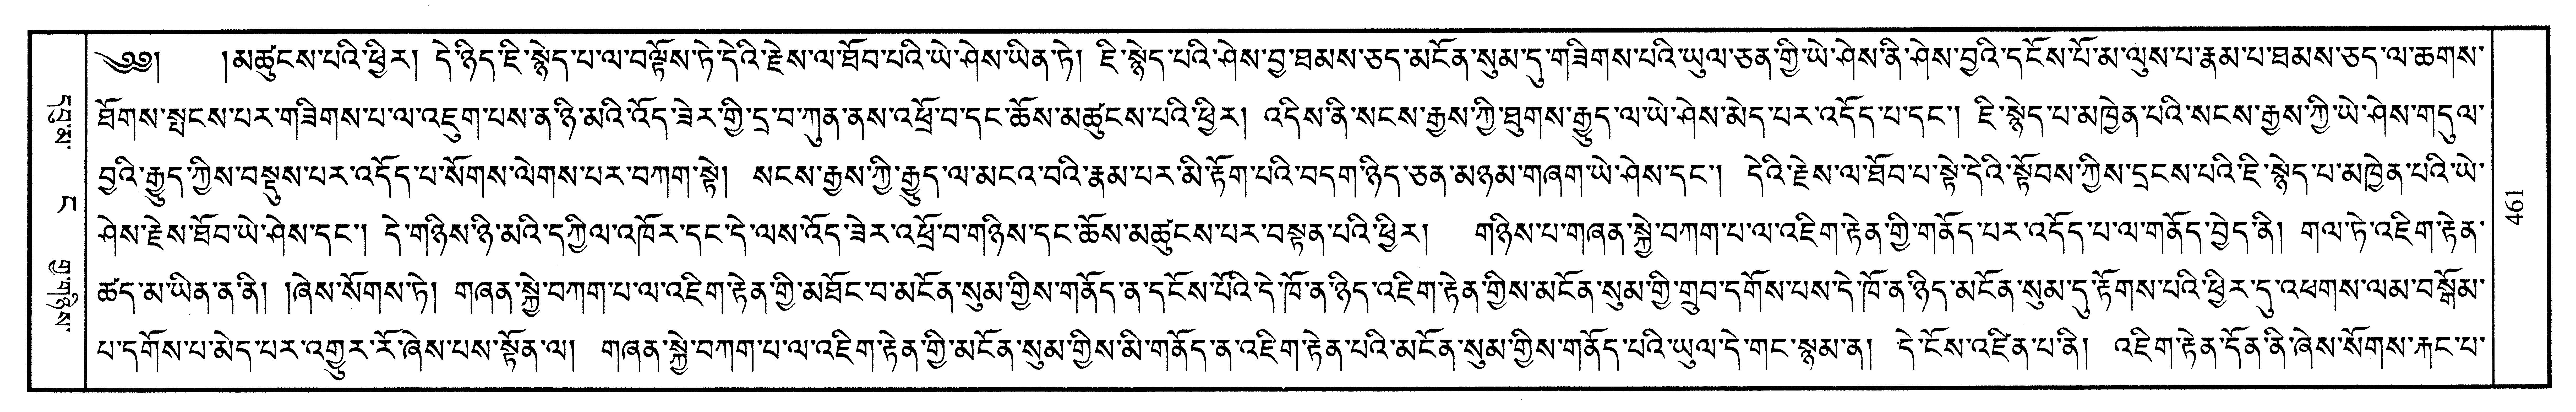༄༅། །མཚུངས་པའི་ཕྱིར། དེ་ཉིད་ཇི་སྙེད་པ་ལ་བལྟོས་ཏེ་དེའི་རྗེས་ལ་ཐོབ་པའི་ཡེ་ཤེས་ཡིན་ཏེ། ཇི་སྙེད་པའི་ཤེས་བྱ་ཐམས་ཅད་མངོན་སུམ་དུ་གཟིགས་པའི་ཡུལ་ཅན་གྱི་ཡེ་ཤེས་ནི་ཤེས་བྱའི་དངོས་པོ་མ་ལུས་པ་རྣམ་པ་ཐམས་ཅད་ལ་ཆགས་
ཐོགས་སྤངས་པར་གཟིགས་པ་ལ་འཇུག་པས་ན་ཉི་མའི་འོད་ཟེར་གྱི་དྲ་བ་ཀུན་ནས་འཕྲོ་བ་དང་ཆོས་མཚུངས་པའི་ཕྱིར། འདིས་ནི་སངས་རྒྱས་ཀྱི་ཐུགས་རྒྱུད་ལ་ཡེ་ཤེས་མེད་པར་འདོད་པ་དང་། ཇི་སྙེད་པ་མཁྱེན་པའི་སངས་རྒྱས་ཀྱི་ཡེ་ཤེས་གདུལ་
བྱའི་རྒྱུད་ཀྱིས་བསྡུས་པར་འདོད་པ་སོགས་ལེགས་པར་བཀག་སྟེ། སངས་རྒྱས་ཀྱི་རྒྱུད་ལ་མངའ་བའི་རྣམ་པར་མི་རྟོག་པའི་བདག་ཉིད་ཅན་མཉམ་གཞག་ཡེ་ཤེས་དང་། དེའི་རྗེས་ལ་ཐོབ་པ་སྟེ་དེའི་སྟོབས་ཀྱིས་དྲངས་པའི་ཇི་སྙེད་པ་མཁྱེན་པའི་ཡེ་
ཤེས་རྗེས་ཐོབ་ཡེ་ཤེས་དང་། དེ་གཉིས་ཉི་མའི་དཀྱིལ་འཁོར་དང་དེ་ལས་འོད་ཟེར་འཕྲོ་བ་གཉིས་དང་ཆོས་མཚུངས་པར་བསྟན་པའི་ཕྱིར། གཉིས་པ་གཞན་སྐྱེ་བཀག་པ་ལ་འཇིག་རྟེན་གྱི་གནོད་པར་འདོད་པ་ལ་གནོད་བྱེད་ནི། གལ་ཏེ་འཇིག་རྟེན་
ཚད་མ་ཡིན་ན་ནི། །ཞེས་སོགས་ཏེ། གཞན་སྐྱེ་བཀག་པ་ལ་འཇིག་རྟེན་གྱི་མཐོང་བ་མངོན་སུམ་གྱིས་གནོད་ན་དངོས་པོའི་དེ་ཁོ་ན་ཉིད་འཇིག་རྟེན་གྱིས་མངོན་སུམ་གྱི་གྲུབ་དགོས་པས་དེ་ཁོ་ན་ཉིད་མངོན་སུམ་དུ་རྟོགས་པའི་ཕྱིར་དུ་འཕགས་ལམ་བསྒོམ་
པ་དགོས་པ་མེད་པར་འགྱུར་རོ་ཞེས་པས་སྟོན་ལ། གཞན་སྐྱེ་བཀག་པ་ལ་འཇིག་རྟེན་གྱི་མངོན་སུམ་གྱིས་མི་གནོད་ན་འཇིག་རྟེན་པའི་མངོན་སུམ་གྱིས་གནོད་པའི་ཡུལ་དེ་གང་སྙམ་ན། དེ་ངོས་འཛིན་པ་ནི། འཇིག་རྟེན་དོན་ནི་ཞེས་སོགས་རྐང་པ་